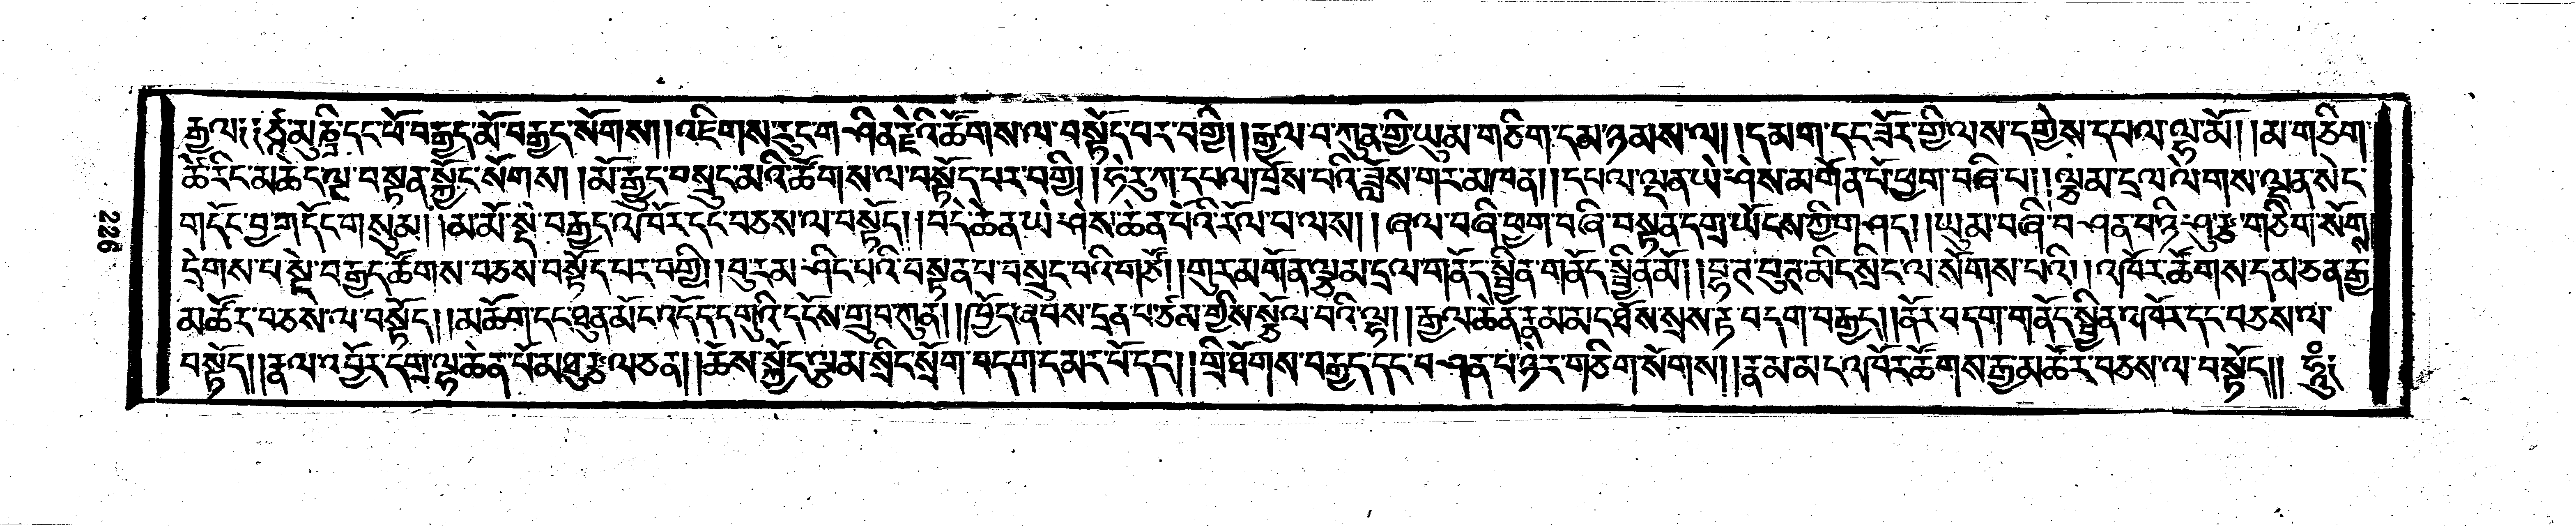རྒྱལ། །ཙཱ་མུཎྜི་དང་ཕོ་བརྒྱད་མོ་བརྒྱད་སོགས། །འཇིགས་རུང་གཤིན་རྗེའི་ཚོགས་ལ་བསྟོད་པར་བགྱི། །རྒྱལ་བ་ཀུན་གྱི་ཡུམ་གཅིག་དམ་ཉམས་ལ། །དམག་དང་ཟོར་གྱི་ལས་དགྱེས་དཔལ་ལྷ་མོ། །མ་གཅིག་
ཚེ་རིང་མཆེད་ལྔ་བསྟན་སྐྱོང་སོགས། །མོ་རྒྱུད་བསྲུང་མའི་ཚོགས་ལ་བསྟོད་པར་བགྱི། །ཧེ་རུ་ཀ་དཔལ་ཁྲོས་པའི་ཟློས་གར་མཁན། །དཔལ་ལྡན་ཡེ་ཤེས་མགོན་པོ་ཕྱག་བཞི་པ། །ལྕམ་དྲལ་ལེགས་ལྡན་སེང་
གདོང་བྱ་གདོང་གསུམ། །མ་མོ་སྡེ་བརྒྱད་འཁོར་དང་བཅས་ལ་བསྟོད། །བདེ་ཆེན་ཡེ་ཤེས་ཆེན་པོའི་རོལ་པ་ལས། །ཞལ་བཞི་ཕྱག་བཞི་བསྟན་དགྲ་ཡོངས་ཀྱི་གཤེད། །ཡུམ་བཞི་བཤན་པ་ཉི་ཤུ་རྩ་གཅིག་སོགས།།
དྲེགས་པ་སྡེ་བརྒྱད་ཚོགས་བཅས་བསྟོད་པར་བགྱི། །བུ་རམ་ཤིང་པའི་བསྟན་པ་བསྲུང་བའི་གཙོ། །གུར་མགོན་ལྕམ་དྲལ་གནོད་སྦྱིན་གནོད་སྦྱིན་མོ། །བྷ་ཊ་པུ་ཊ་མིང་སིང་ལ་སོགས་པའི། །འཁོར་ཚོགས་དམ་ཅན་རྒྱ་
མཚོར་བཅས་ལ་བསྟོད། །མཆོག་དང་ཐུན་མོང་འདོད་དགུའི་དངོས་གྲུབ་ཀུན། །ཁྱོད་ཞབས་དྲན་པ་ཙམ་གྱིས་སྩོལ་བའི་ལྷ། །རྒྱལ་ཆེན་རྣམ་མང་ཐོས་སྲས་རྟ་བདག་བརྒྱད། །ནོར་བདག་གནོད་སྦྱིན་འཁོར་དང་བཅས་ལ་
བསྟོད། །རྣལ་འབྱོར་དགྲ་ལྷ་ཆེན་པོ་མཐུ་རྩལ་ཅན། །ཆོས་སྐྱོང་ལྕམ་སྲིང་སྲོག་བདག་དམར་པོ་དང་། །གྲི་ཐོགས་བརྒྱད་དང་བཤན་པ་ཉེར་གཅིག་སོགས། །རྣམ་མང་འཁོར་ཚོགས་རྒྱ་མཚོར་བཅས་ལ་བསྟོད། །ཧཱུཾ།